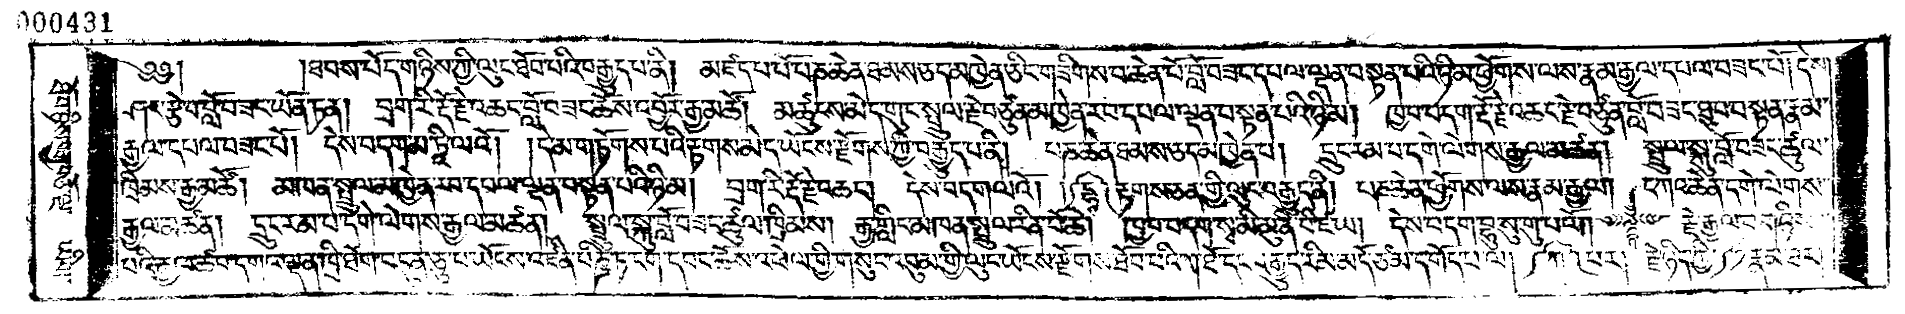༄༅། །ཐབས་པོད་གཉིས་ཀྱི་ལུང་ཐོབ་པའི་བརྒྱུད་པ་ནི། མཛད་པ་པོ་པཎ་ཆེན་ཐམས་ཅད་མཁྱེན་ཅིང་གཟིགས་པ་ཆེན་པོ་བློ་བཟང་དཔལ་ལྡན་བསྟན་པའི་ཉི་མ་ཕྱོགས་ལས་རྣམ་རྒྱལ་དཔལ་བཟང་པོ། དེས་
ཤར་རྩེ་བ་བློ་བཟང་ཡོན་ཏན། བྲག་རི་རྡོ་རྗེ་འཆང་བློ་བཟང་ཆོས་འབྱོར་རྒྱ་མཚོ། མཚུངས་མེད་གུང་སྤྲུལ་རྗེ་བཙུན་མཁྱེན་རབ་དཔལ་ལྡན་བསྟན་པའི་ཉི་མ། ཁྱབ་བདག་རྡོ་རྗེ་འཆང་རྗེ་བཙུན་བློ་བཟང་ཐུབ་བསྟན་རྣམ་
རྒྱལ་དཔལ་བཟང་པོ། དེས་བདག་མཏཱི་ལའོ། །དེ་མ་གཏོགས་པའི་རྟགས་མེད་ཡོངས་རྫོགས་ཀྱི་བརྒྱུད་པ་ནི། པཎ་ཆེན་ཐམས་ཅད་མཁྱེན་པ། དྲུང་རམ་པ་དགེ་ལེགས་རྒྱལ་མཚན། སྤྲུལ་སྐུ་བློ་བཟང་ཚུལ་
ཁྲིམས་རྒྱ་མཚོ། མཁན་སྤྲུལ་མཁྱེན་རབ་དཔལ་ལྡན་བསྟན་པའི་ཉི་མ། བྲག་རི་རྡོ་རྗེ་འཆང་། དེས་བདག་ལའོ། །༼དྷྭ༽ རྟགས་ཅན་གྱི་ལུང་བརྒྱུད་ནི། པཎ་ཆེན་ཕྱོགས་ལས་རྣམ་རྒྱལ། དཀའ་ཆེན་དགེ་ལེགས་
རྒྱལ་མཚན། དྲུང་རམ་པ་དགེ་ལེགས་རྒྱལ་མཚན། སྤྲུལ་སྐུ་བློ་བཟང་ཚུལ་ཁྲིམས། རྒྱ་གླིང་མཁན་སྤྲུལ་རིན་པོ་ཆེ། ཁྱབ་བདག་སྭ་མི་མུ་ནི་བི་ཛ་ཡ། དེས་བདག་བྷུ་སུ་གུ་པའོ། །རྗེ་རྒྱལ་བ་གཉིས་
པའི་རྒྱལ་ཚབ་དགའ་ལྡན་ཁྲི་ཐོག་བདུན་ཅུ་པ་ཡོངས་འཛིན་པཎྜི་ཏ་ངག་དབང་ཆོས་འཕེལ་གྱི་གསུང་འབུམ་གྱི་ལུང་ཡོངས་རྫོགས་ཐོབ་པའི་ཀ་ཐོ་དང་བརྒྱུད་རིམ་མདོ་ཙམ་དགོད་པ་ལ། ༼ཀ༽ པར། རྗེ་ཉིད་ཀྱི ༡་རྣམ་ཐར།